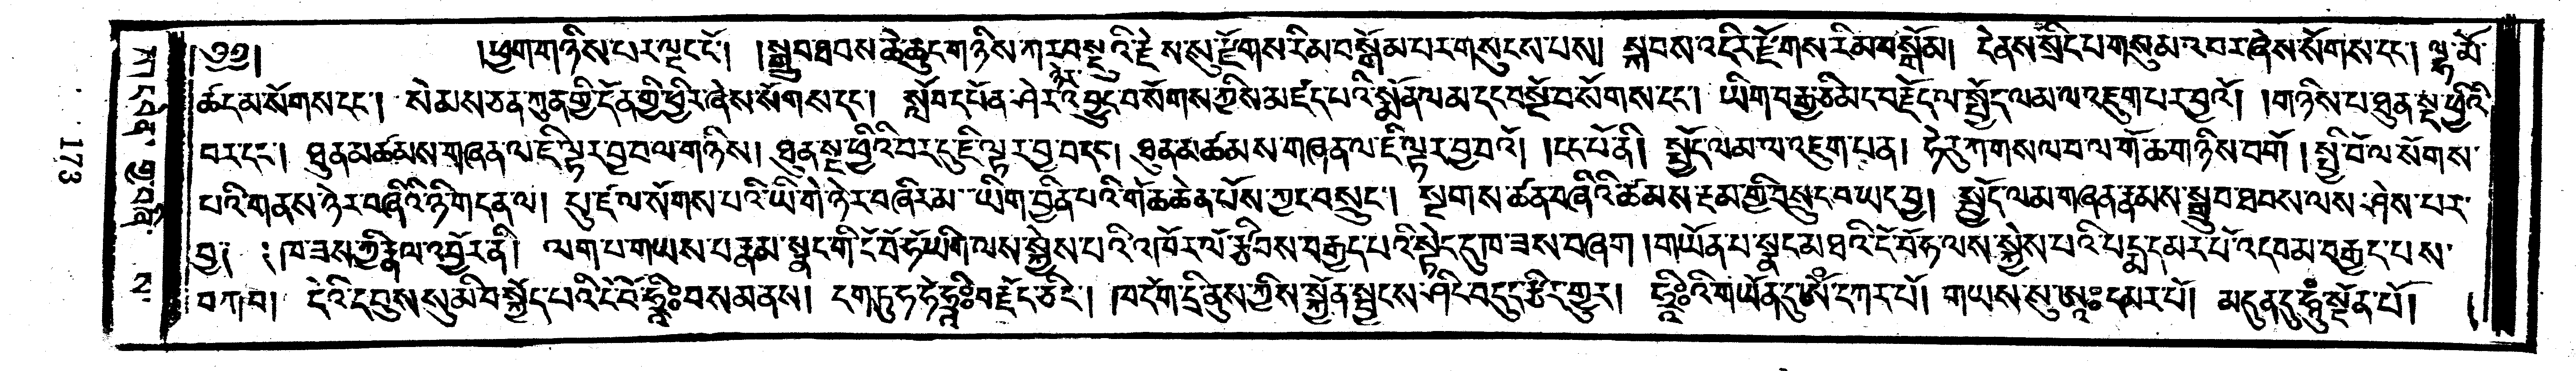༄༅། །ཕྱག་གཉིས་པར་ལྡང་ངོ། །སྒྲུབ་ཐབས་ཆེ་ཆུང་གཉིས་ཀར་ཉེར?་བསྡུའི་རྗེས་སུ་རྫོགས་རིམ་བསྒོམ་པར་གསུངས་པས། སྐབས་འདིར་རྫོགས་རིམ་བསྒོམ། དེ་ནས་སྲིང་པ་གསུམ་འབར་ཞེས་སོགས་དང་། ལྷ་མོ་
ཚད་མ་སོགས་དང་། སེམས་ཅན་ཀུན་གྱི་དོན་གྱི་ཕྱིར་ཞེས་སོགས་དང་། སློབ་དཔོན་ཤེར་འབྱུང་བ་སོགས་ཀྱིས་མཛད་པའི་སྨོན་ལམ་དང་བསྔོ་བ་སོགས་དང་། ཡིག་བརྒྱ་ཅི་མང་བརྗོད་ལ་སྤྱོད་ལམ་ལ་འཇུག་པར་བྱའོ། །གཉིས་པ་ཐུན་སྔ་ཕྱིའི་
བར་དང་། ཐུན་མཚམས་གཞན་ལ་ཇི་ལྟར་བྱ་བ་ལ་གཉིས། ཐུན་སྔ་ཕྱིའི་བར་དུ་ཇི་ལྟར་བྱ་བ་དང་། ཐུན་མཚམས་གཞན་ལ་ཇི་ལྟར་བྱ་བའོ། །དང་པོ་ནི། སྤྱོད་ལམ་ལ་འཇུག་པ་ན། ཧེ་རུ་ཀ་གསལ་བ་ལ་གོ་ཆ་གཉིས་བགོ །སྤྱི་བོ་ལ་སོགས་
པའི་གནས་ཉེར་བཞིའི་ཉི་གདན་ལ། པུ་ཛ་ལ་སོགས་པའི་ཡི་གེ་ཉེར་བཞིར་མ་ཡིག་བྱིན་པའི་གོ་ཆ་ཆེན་པོས་ཀྱང་བསྲུང་། སྔགས་ཚན་བཞིའི་ཚམས་རྔམ་གྱི་བསྲུང་བ་ཡང་བྱ། སྤྱོད་ལམ་གཞན་རྣམས་སྒྲུབ་ཐབས་ལས་ཤེས་པར་
བྱ༑ ༑ཁ་ཟས་ཀྱི་རྣལ་འབྱོར་ནི། ལག་པ་གཡས་པ་རྣམ་སྣང་གི་ངོ་བོ་ཧོ་ཡིག་ལས་སྐྱེས་པའི་འཁོར་ལོ་རྩིབས་བརྒྱད་པའི་སྟེང་དུ་ཁ་ཟས་བཞག །གཡོན་པ་སྣང་མཐའི་ངོ་བོ་ཧ་ལས་སྐྱེས་པའི་པདམ་དམར་པོ་འདབ་མ་བརྒྱད་པས་
བཀབ། དེའི་དབུས་སུ་མི་བསྐྱོད་པའི་ངོ་བོ་ཧྲཱིཿ བསམ་ནས། དག་ཏུ་ཧ་ཧོ་ཧྲཱིཿ བརྗོད་ཅིང་། ཁ་དོག་དྲི་ནུས་ཀྱིས་སྐྱོན་སྦྱངས་ཤིང་བདུད་རྩིར་གྱུར། ཧྲཱིཿ འི་གཡོན་དུ་ཨོཾ་དཀར་པོ། གཡས་སུ་ཨཱཿ དམར་པོ། མདུན་དུ་ཧཱུཾ་སྔོན་པོ། །